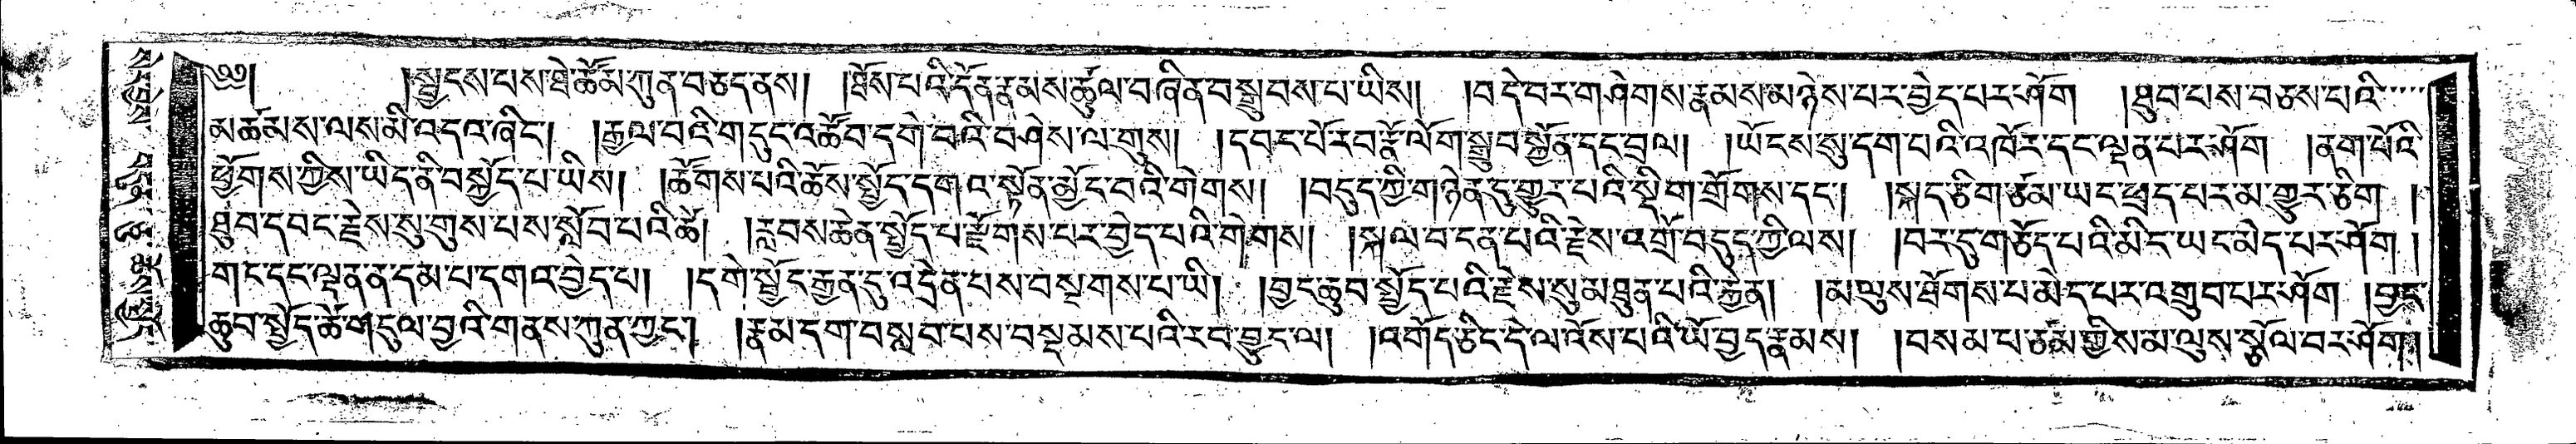༄༅། །སྦྱངས་པས་ཐེ་ཚོམ་ཀུན་བཅད་ནས། །ཐོས་པའི་དོན་རྣམས་ཚུལ་བཞིན་བསྒྲུབས་པ་ཡིས། །བདེ་བར་གཤེགས་རྣམས་མཉེས་པར་བྱེད་པར་ཤོག །ཐུབ་པས་བཅས་པའི་
མཚམས་ལས་མི་འདའ་ཞིང་། །རྒྱལ་བའི་གདུང་འཚོབ་དགེ་བའི་བཤེས་ལ་གུས། །དབང་པོ་རབ་རྣོ་ལོག་སྒྲུབ་སྐྱོན་དང་བྲལ། །ཡོངས་སུ་དག་པའི་འཁོར་དང་ལྡན་པར་ཤོག །ནག་པོའི་
ཕྱོགས་ཀྱིས་ཡིད་ནི་བསྐྱོད་པ་ཡིས། །ཚོགས་པའི་ཆོས་སྤྱོད་དགའ་སྟོན་མྱོང་བའི་གེགས། །བདུད་ཀྱི་གཉེན་དུ་གྱུར་པའི་སྡིག་གྲོགས་དང་། །སྐད་ཅིག་ཙམ་ཡང་ཕྲད་པར་མ་གྱུར་ཅིག །
ཐུབ་དབང་རྗེས་སུ་གུས་པས་སློབ་པའི་ཚེ། །རླབས་ཆེན་སྤྱོད་པ་རྫོགས་པར་བྱེད་པའི་གེགས། །སྐལ་བ་ངན་པའི་རྗེས་འགྲོ་བདུད་ཀྱི་ལས། །བར་དུ་གཅོད་པའི་མིང་ཡང་མེད་པར་ཤོག །
གང་དང་ལྡན་ན་དམ་པ་དགའ་བྱེད་པ། །དགེ་སྦྱོང་རྒྱན་དུ་འདྲེན་པས་བསྔགས་པ་ཡི། །བྱང་ཆུབ་སྤྱོད་པའི་རྗེས་སུ་མཐུན་པའི་རྐྱེན། །མ་ལུས་ཐོགས་པ་མེད་པར་འགྲུབ་པར་ཤོག །བྱང་
ཆུབ་སྤྱོད་ཚེ་གདུལ་བྱའི་གནས་ཀུན་ཀྱང་། །རྣམ་དག་བསླབ་པས་བསྡམས་པའི་རབ་བྱུང་ལ། །འགོད་ཅིང་དེ་ལ་འོས་པའི་ཡོ་བྱད་རྣམས། །བསམ་པ་ཙམ་གྱིས་མ་ལུས་སྩོལ་བར་ཤོག །